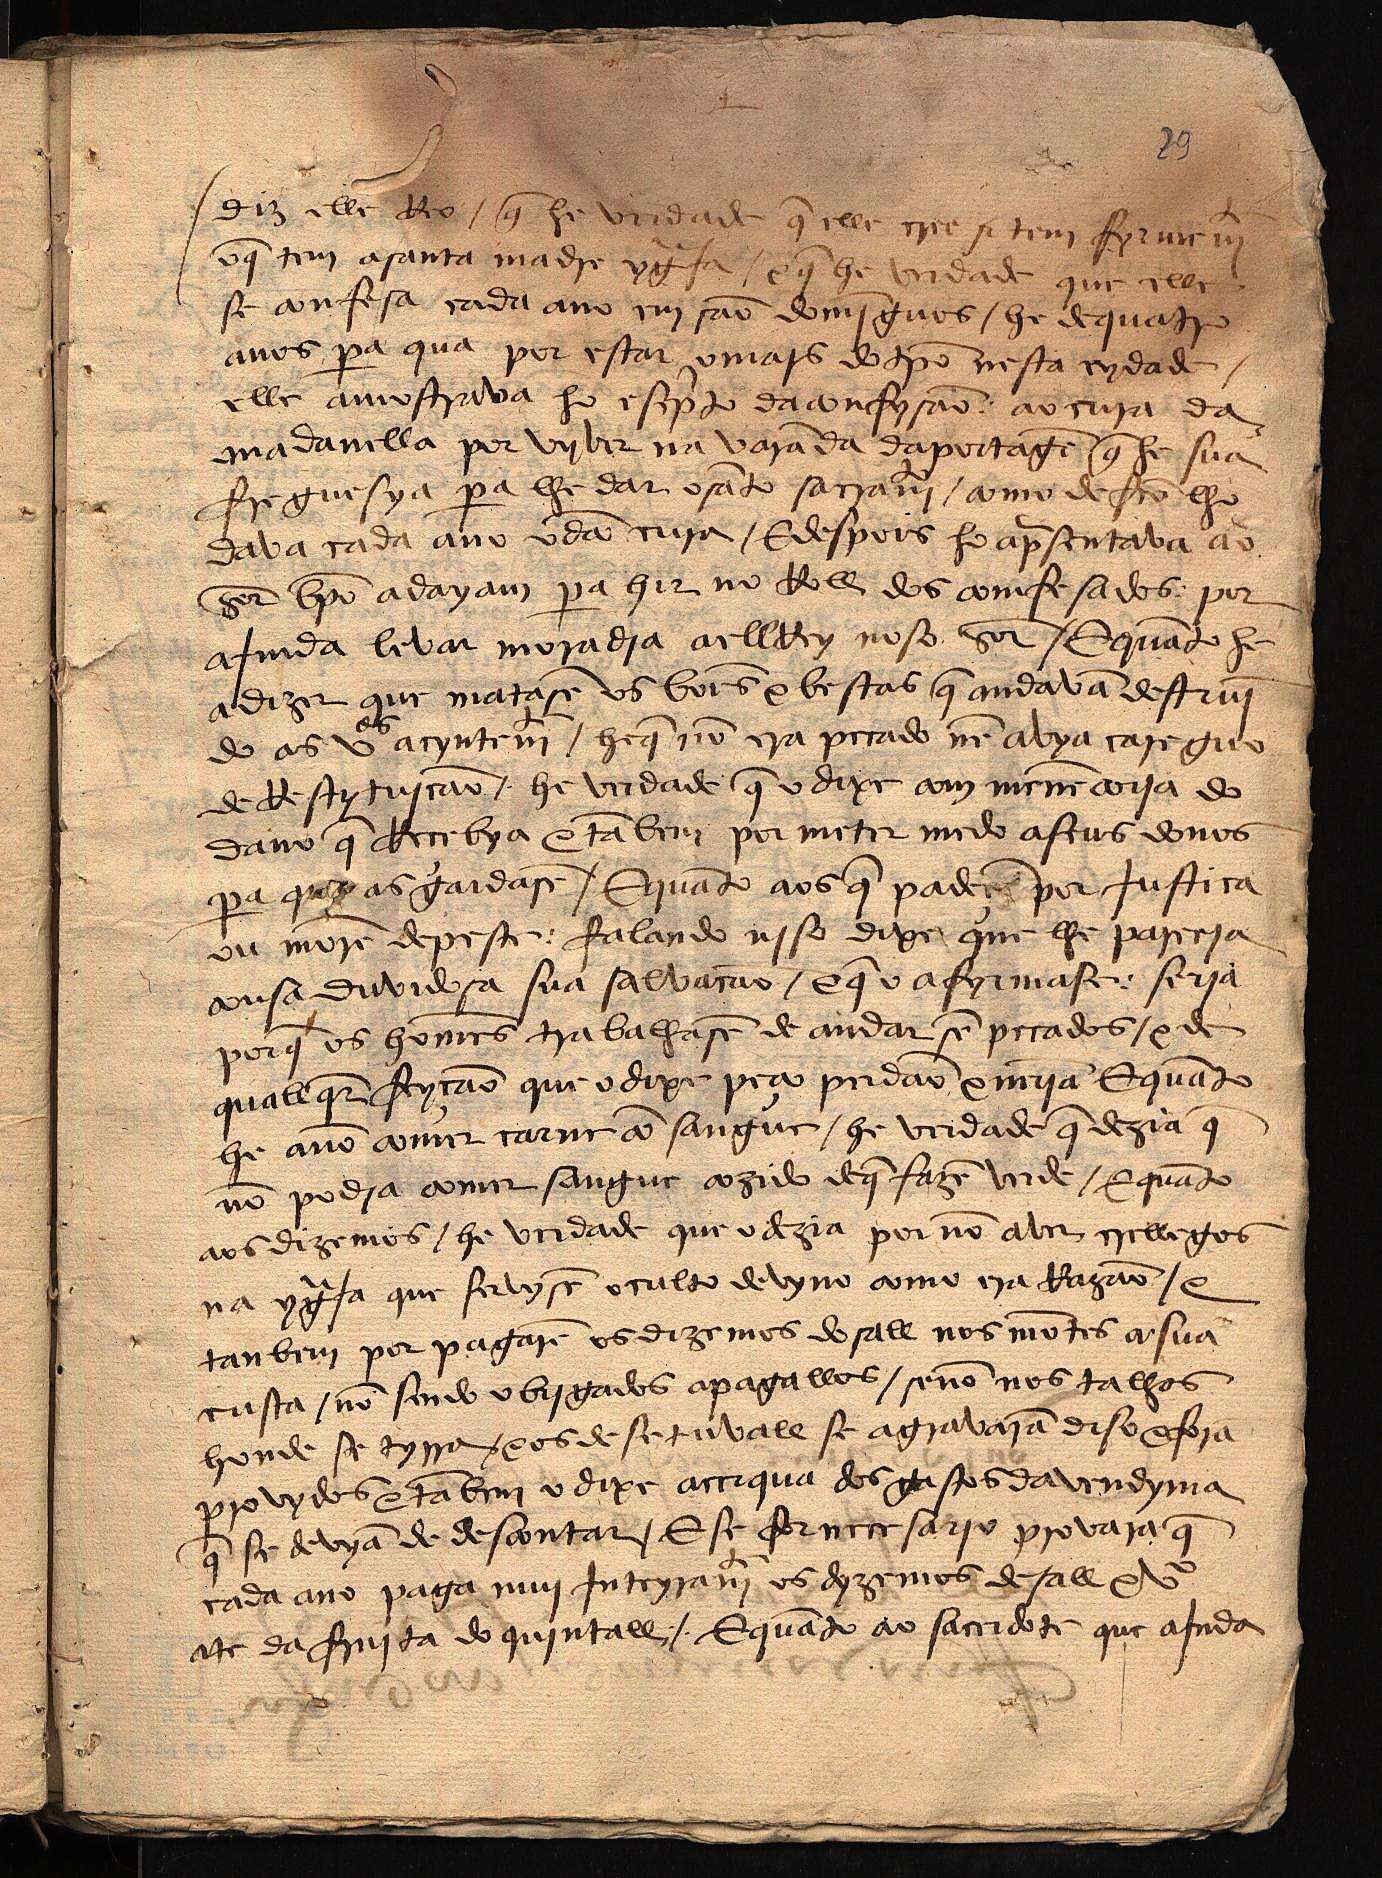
/ diz elle Reo / q̄ he verdade q̄ elle cree e tem fyrmemte
o q̄ tem a santa madre yḡJa / e q̄ he verdade que elle
se confesa cada ano em são dom̄jguos / he de quatro
anos ꝑa qua por estar o majs do tp̄o nesta cydade /
elle amostrava ho escpito da confysão : ao cura da
madanella por vyver na varāda da portaḡe q̄ he sua
freguesya ꝑa lhe dar o s̄ato sacramto / como de fc̄o lho
dava cada ano o d̄co cura / E despois ho ap̄sentava ao
S̄or b̄po adayam ꝑa hir no Roll dos comfesados : por
aJmda levar moradja a ell Rey noso S̄or / E qūato he
a dizer que matas̄e os bois e bestas q̄ andavā destrūj
do as vas acyntemte / he q̄ nō era pecado n̄e avya careguo
de Restytujcão /. verdade q̄ o dixe com men̄ecorja do
dano q̄ Reçebya e t̄abem por meter medo a seus donos
ꝑa que as gardas̄e / E quāto aos q̄ padeç̄e por Justica
ou m̄ore de peste : falando njso dixe que lhe parecja
cousa duvidosa sua salvacão / e q̄ o afyrmase : serja
porq̄ os hōmes trabalhas̄e de andar s̄e pecados / e de
quallq̄r feyção que o dixe peço perdão e mr̄ja E qūato
he a n̄o comer carne c̄o sangue / he verdade q̄ dezia q̄
n̄o podja comer sangue cozido de q̄ fazē verde / E qūato
aos dizemos / he verdade que o dezia por n̄o aver crellegos
na yḡJa que servys̄e o culto devyno como era Razão / e
tanbem por pagar̄e os dizemos do sall nos m̄otes a sua
custa / n̄o sendo obrjgados a pagallos / sen̄o nos talhos
honde se tyrra / e os de setuvall se agravar̄a diso e fora
provydos e t̄abem o dixe acerqua dos gastos da vendyma
q̄ se devyā de descontar / E se for necesarjo provara q̄
cada ano paga muj Jnteyramte os dyzemos de sall e vo
ate da frujta do qujntall ./. E qūato ao sacerdote que aJnda
